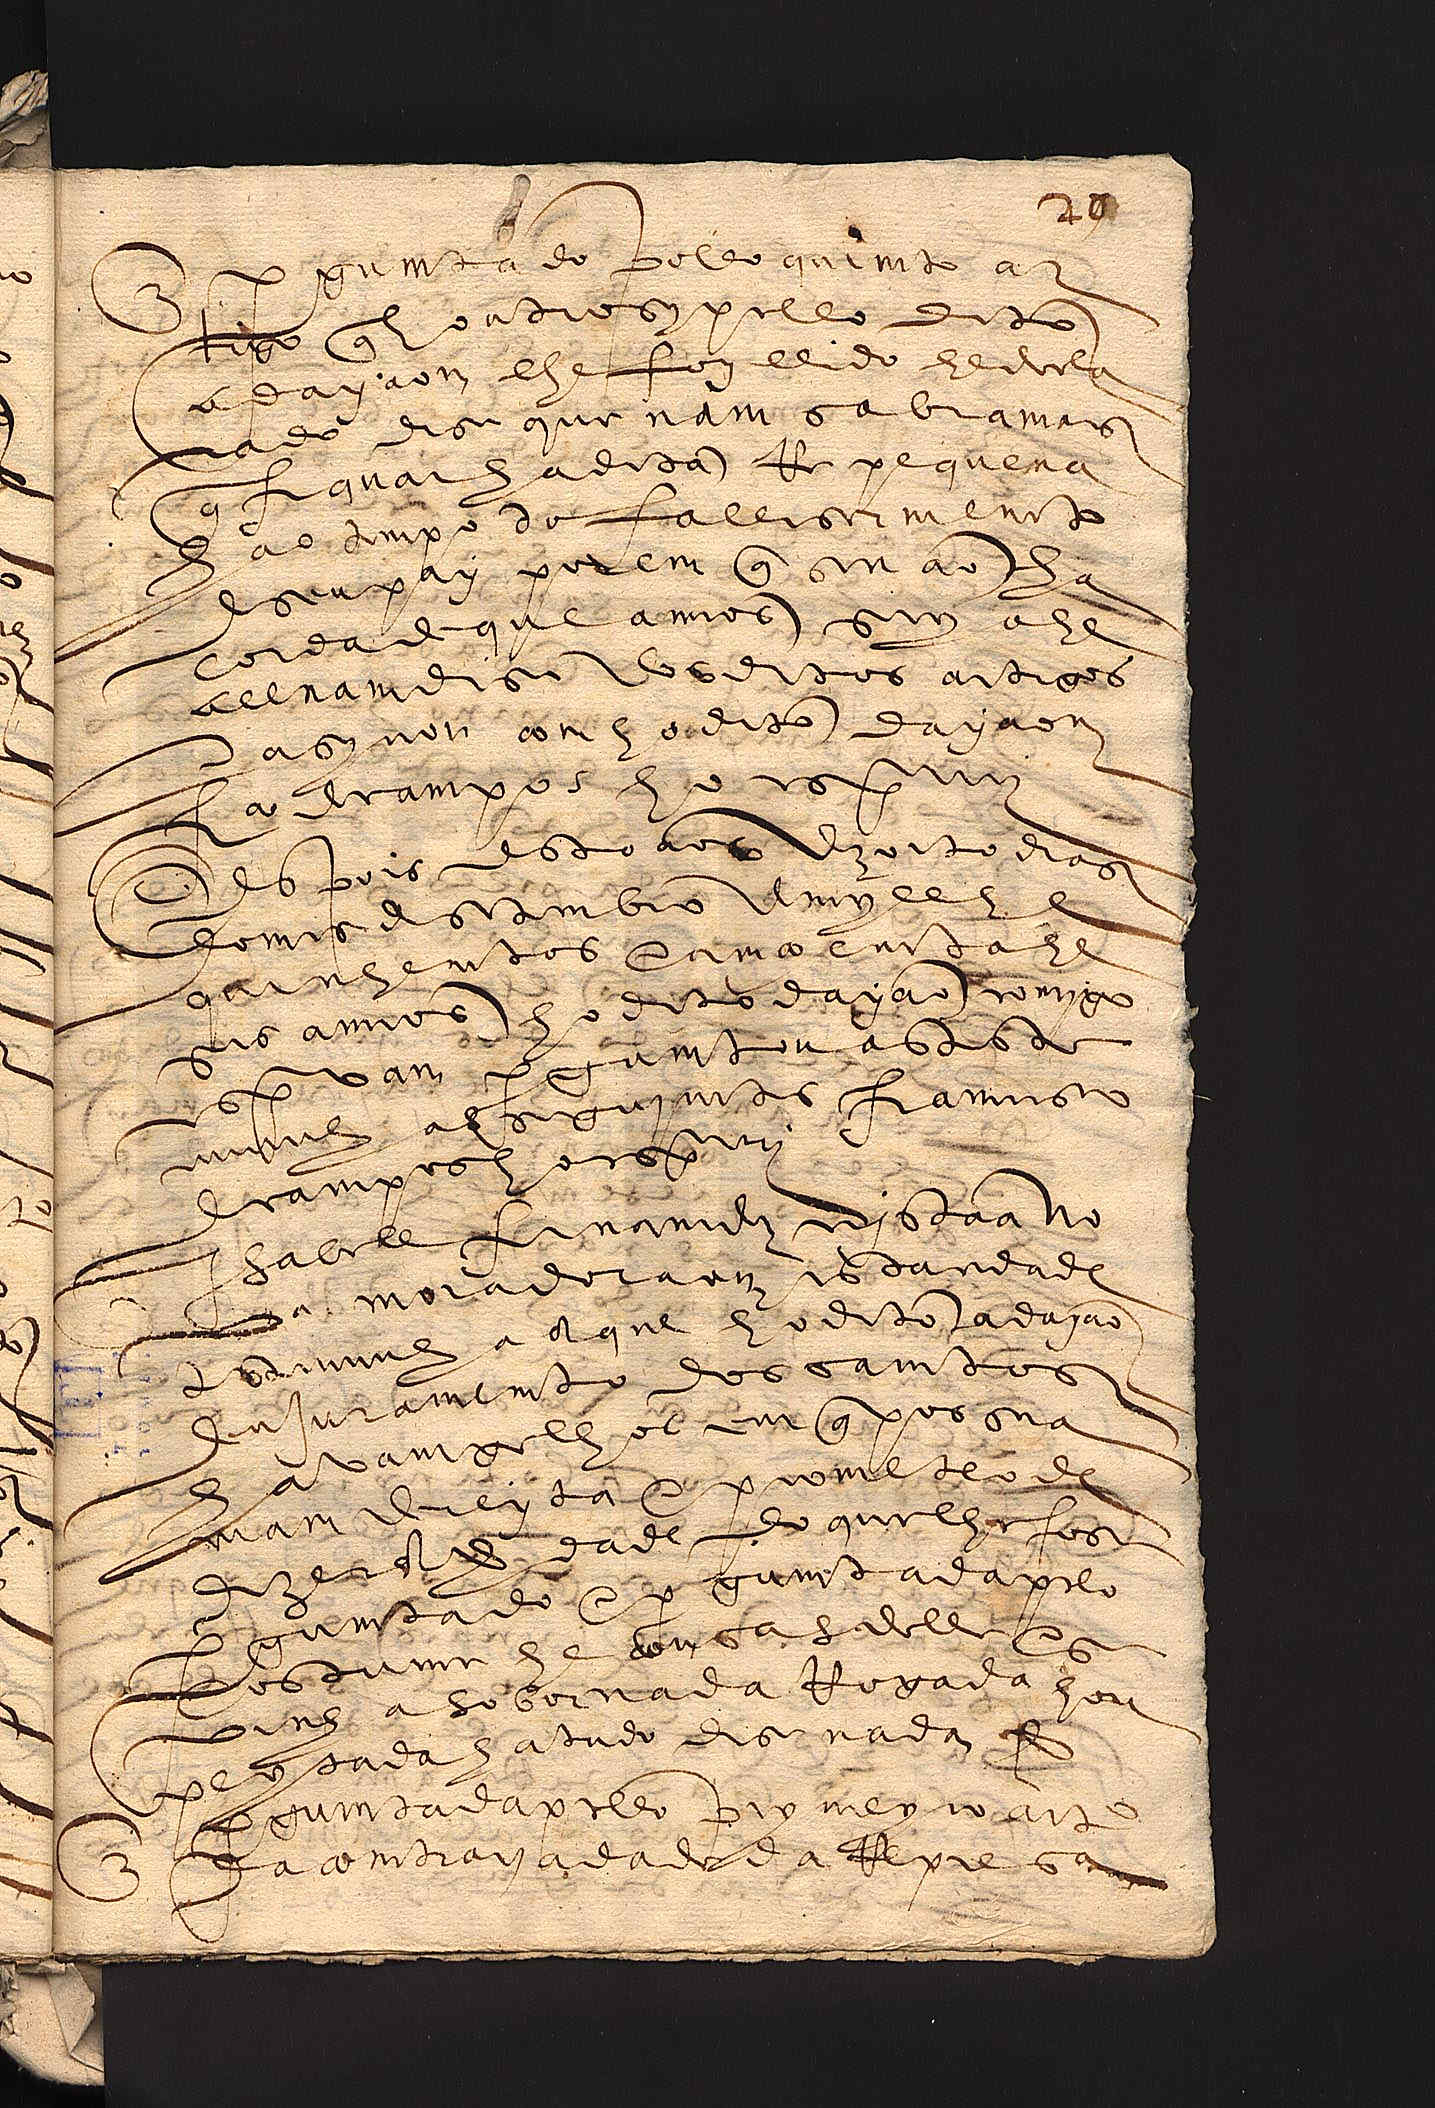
item ꝑgumtado pollo quimto ar
tigo q̄ houtrosy pello dito
adayaom lhe foy llido he decla
rado dise que nam sabia mais
q̄ fiquar ha dita Re pequena
hao tempo do fallescimemto
de seu pay porem q̄ se naõ ha
corda de que annos serya he
all nam dise dos ditos artigos
e asynou com ho dito dayaom
frco de campos ho esp̄uy
E despois desto aos dezoito dias
do mes de setembro de myll he
quinhemtos e çimcoemta he
seis annos ho dito dayaõ comjgo
esp̄vam ꝑgumtou as teste
munhas segujmtes framcisco
de campos ho esp̄uy
item Jsabell fernamdez crjstaā no
va moradora em esta cidade
testemunha A que ho dito adayão
deu Juramemto dos samtos
havamgelhos em q̄ pos sua
mam dereyta e prometeo de
dizer A ꝟdade do que lhe fose
ꝑgumtado e ꝑgumtada pelo
Costume he cousas delle e se
vinha asobornada Rogada hou
peytada ha tudo dise nada
item ꝑgumtada pello prymeyro arto
da comtrarjadade da Re presa
